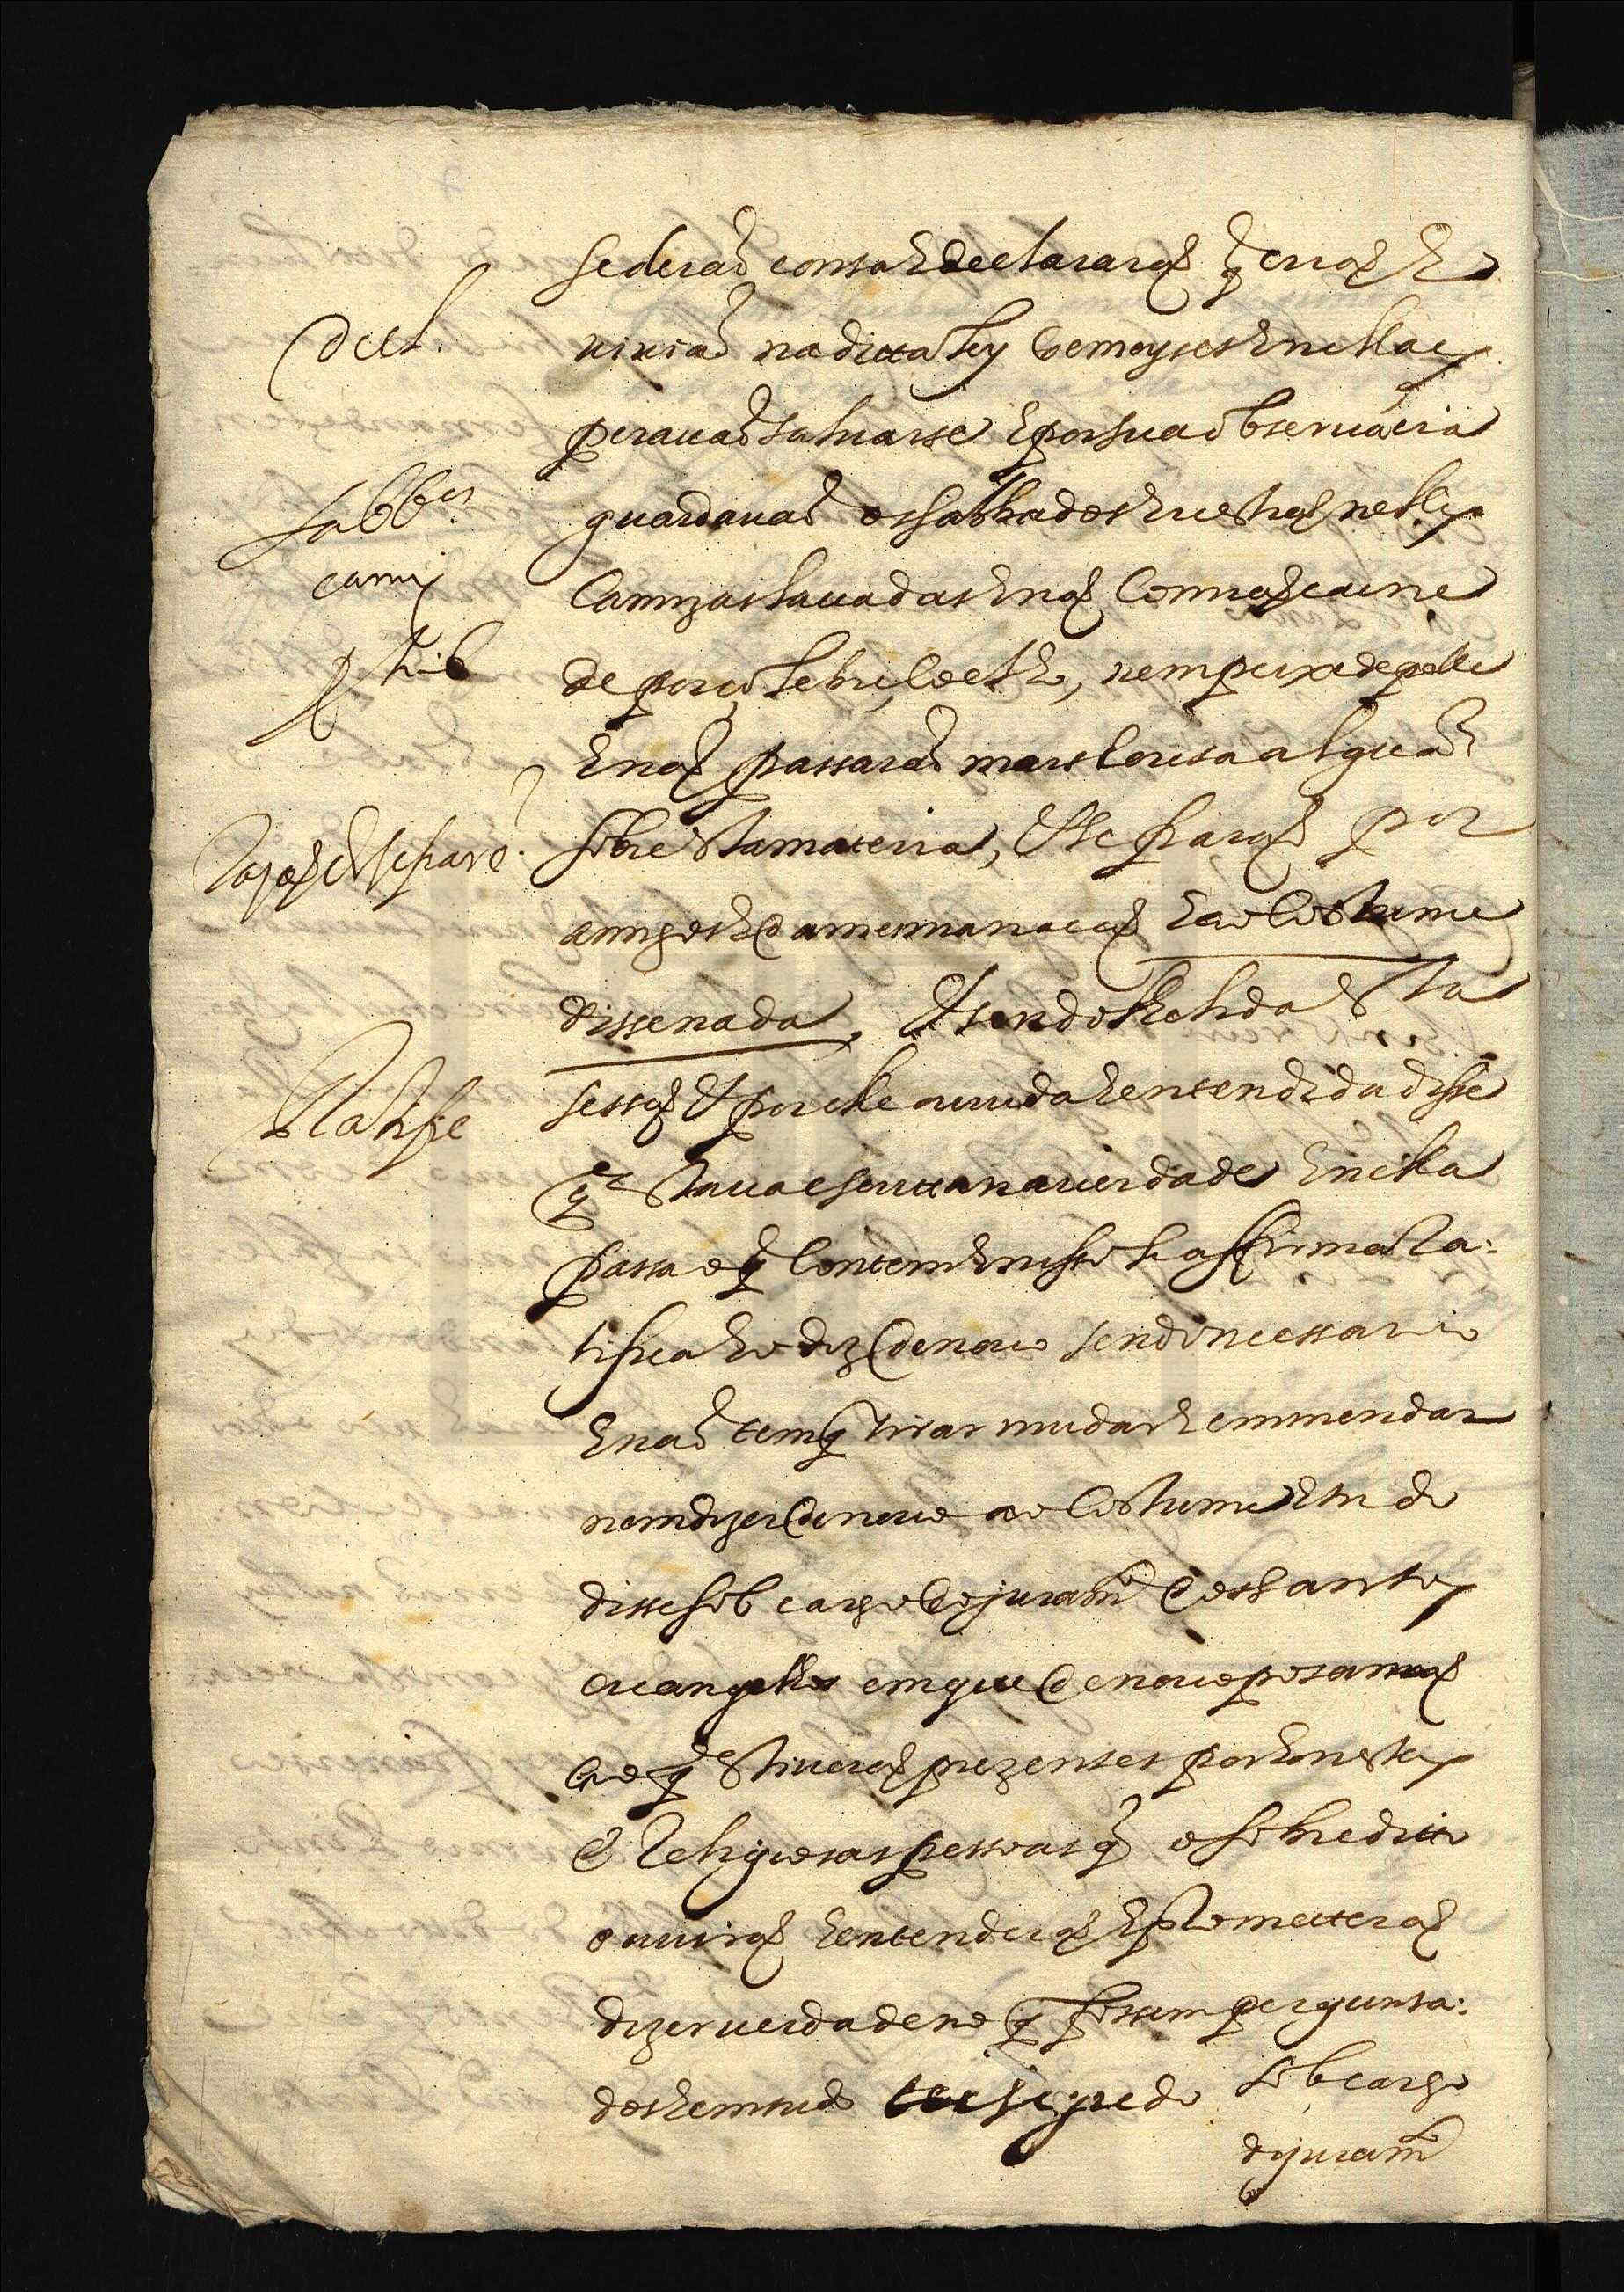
decl.
sabb.os
camis
ꝓhib
Razaõ de se fiarē.
Ratific
se deraõ conta E declararaõ q̄ criaõ E
uiuiaõ na ditta ley de moyses E nella es
perauaõ saluarse E por sua obseruācia
guardauaõ os sabbados E uestiaõ nelles
camizas lauadas E naõ comiaõ carne
de porco lebre, coelho, nem peixe de pelle
E naõ passaraõ mais cousa alguā
sobre esta materia, & se fiaraõ por
amigos E da mesma naçaõ E ao costume
disse nada, & sendolhe lida esta
sessaõ & por elle ouuida E entendida disse
q̄ estaua escritta na uerdade E nella
passa o q̄ contem E nisso se affirma Ra
tifica E o diz de nouo sendo necessario
E naõ tem q̄ tirar mudar E emmendar
nem dizer de nouo ao costume E tudo
disse sob cargo do juramto dos santos
euangelhos em que de nouo pos a maõ
ao q̄ estiueraõ prezentes por honestas
e Religiozas pessoas q̄ o sobreditto
ouuiraõ E entenderaõ E prometteraõ
dizer uerdade no q̄ fossem pergunta
dos E em tudo ter segredo sob cargo
do juramto
